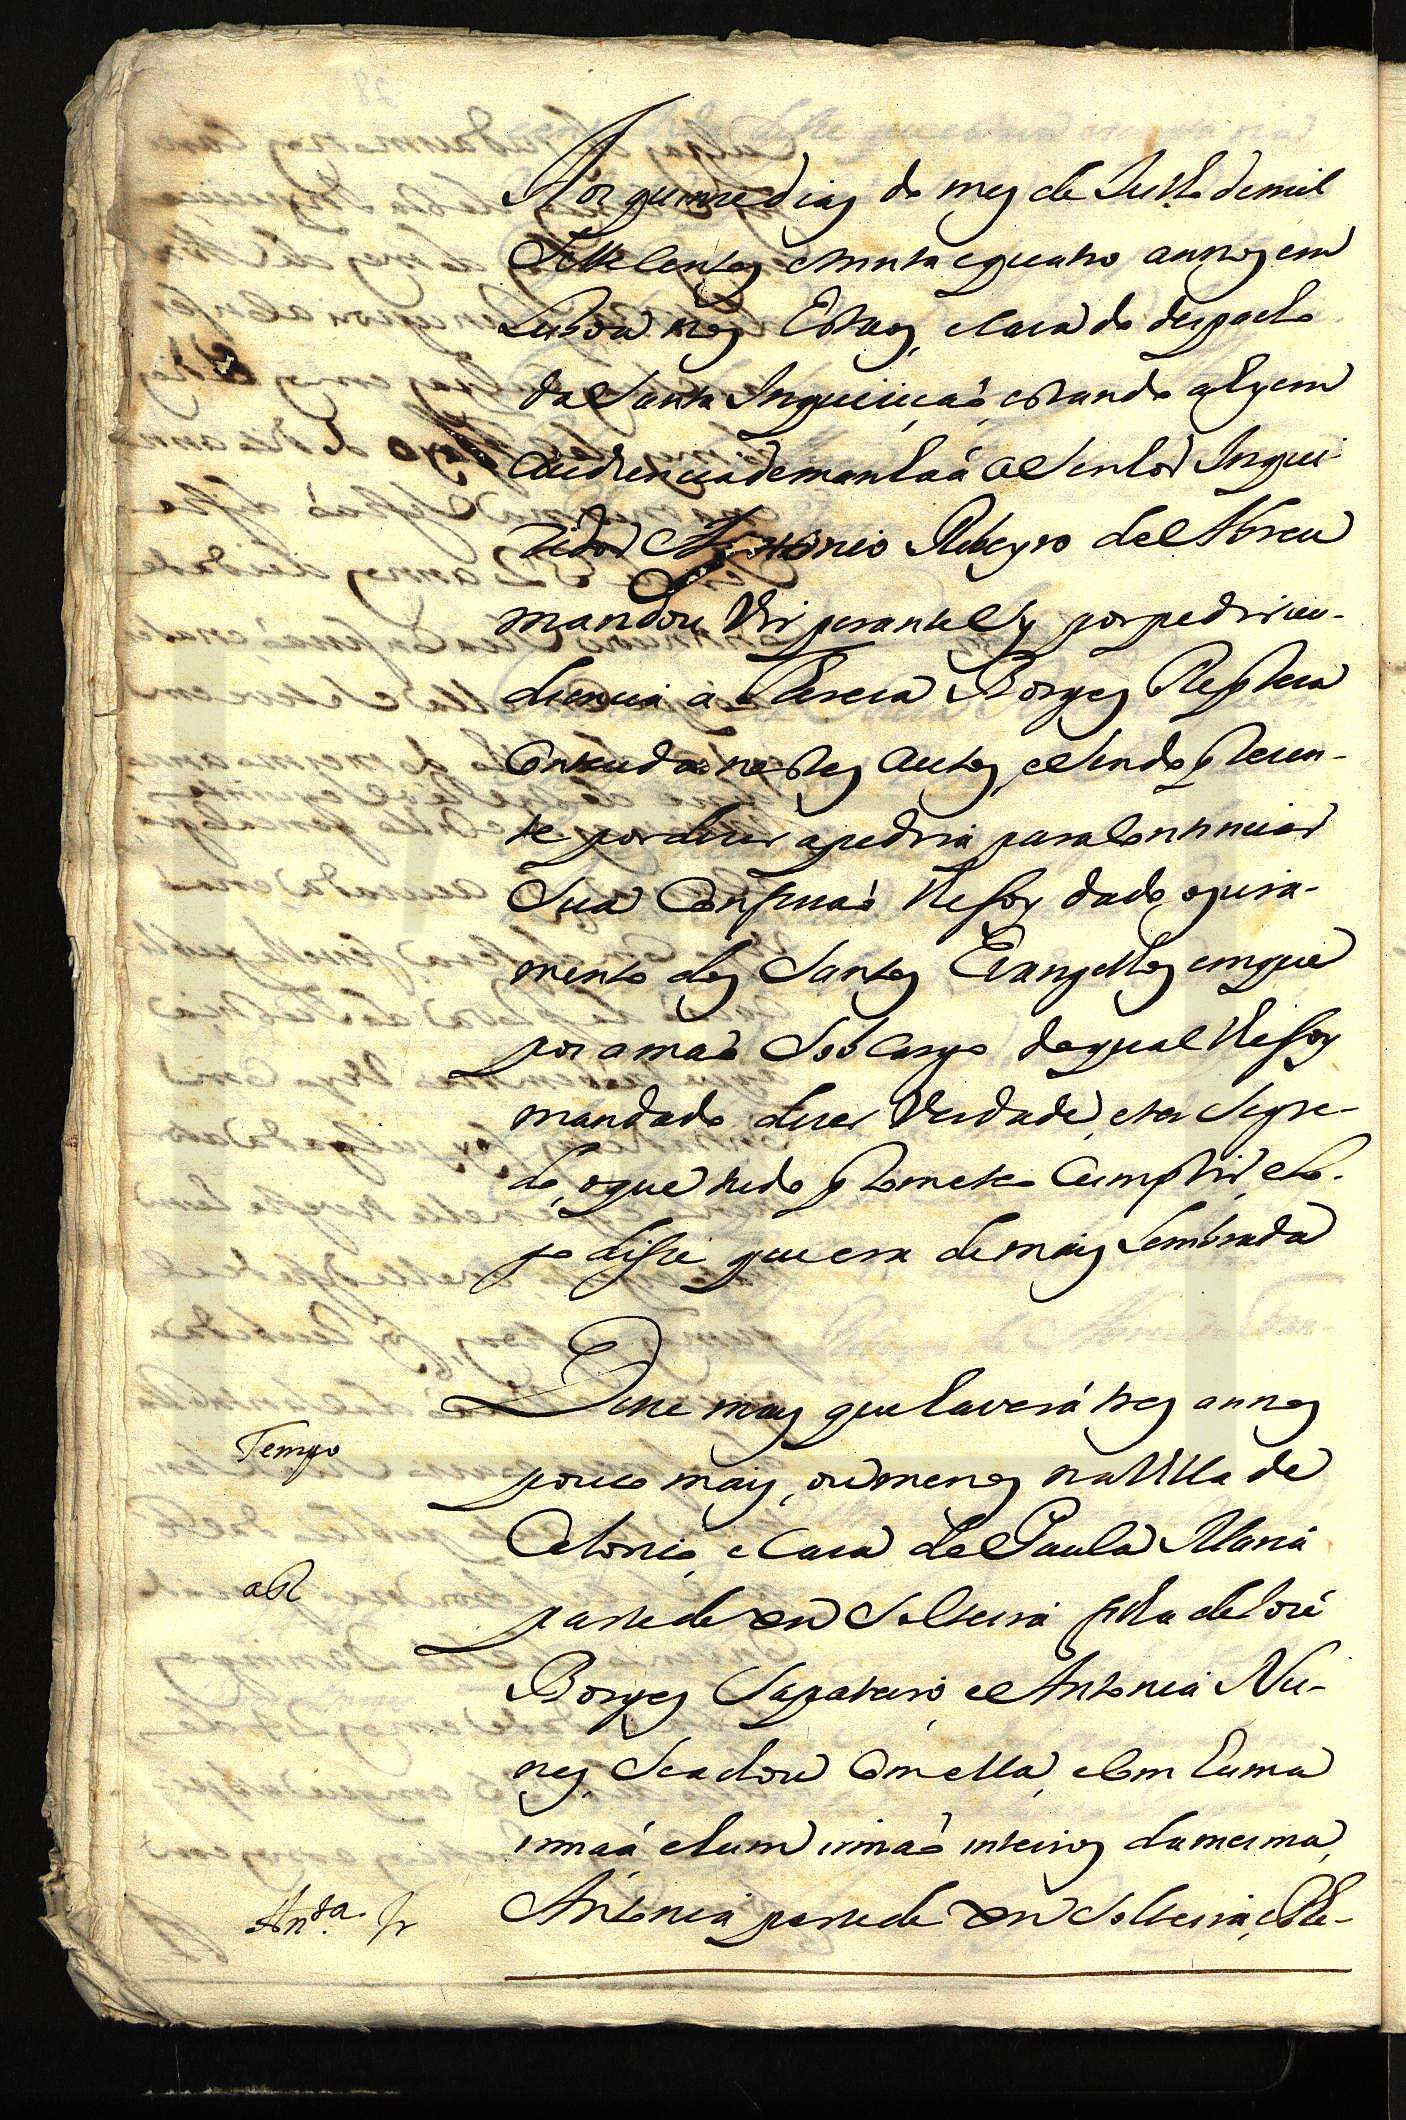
Aos quinze dias do mes de Iulho de mil
settecentos e trinta e quatro annos em
Lisboa nos Estaos, e caza do despacho
da santa Inquiziçaõ, estando ahy em
audiencia de manhaã o senhor Inqui
Zidor A_tonio Ribeyro de Abreu
mandou Vir perante sy por pedir au
diencia a Thereza Borges Re pReza
conteuda nestes autos, e sendo pRezen
te por dizer a pedira para continuar
sua Confissaõ lhe foy dado o jura
mento dos santos Evangelhos em que
pos a maõ sob cargo do qual lhe foy
mandado dizer Verdade, e ter segre
do, o que tudo pRometeo Cumprir, e lo
go disse que era de mais Lembrada
Disse mais que haverá tres annos
Tempo
pouco mais, ou menos na Villa de
Celorico, e Caza de Paula Maria
a R
parte de xn solteira filha de Iozé
Borges Sapateiro, e Antonia Nu
nes, se achou com ella, e com huma
irmaã, e hum irmaõ inteiro da mesma,
Antonia parte de xn solteira, e The
An.ta Jr
